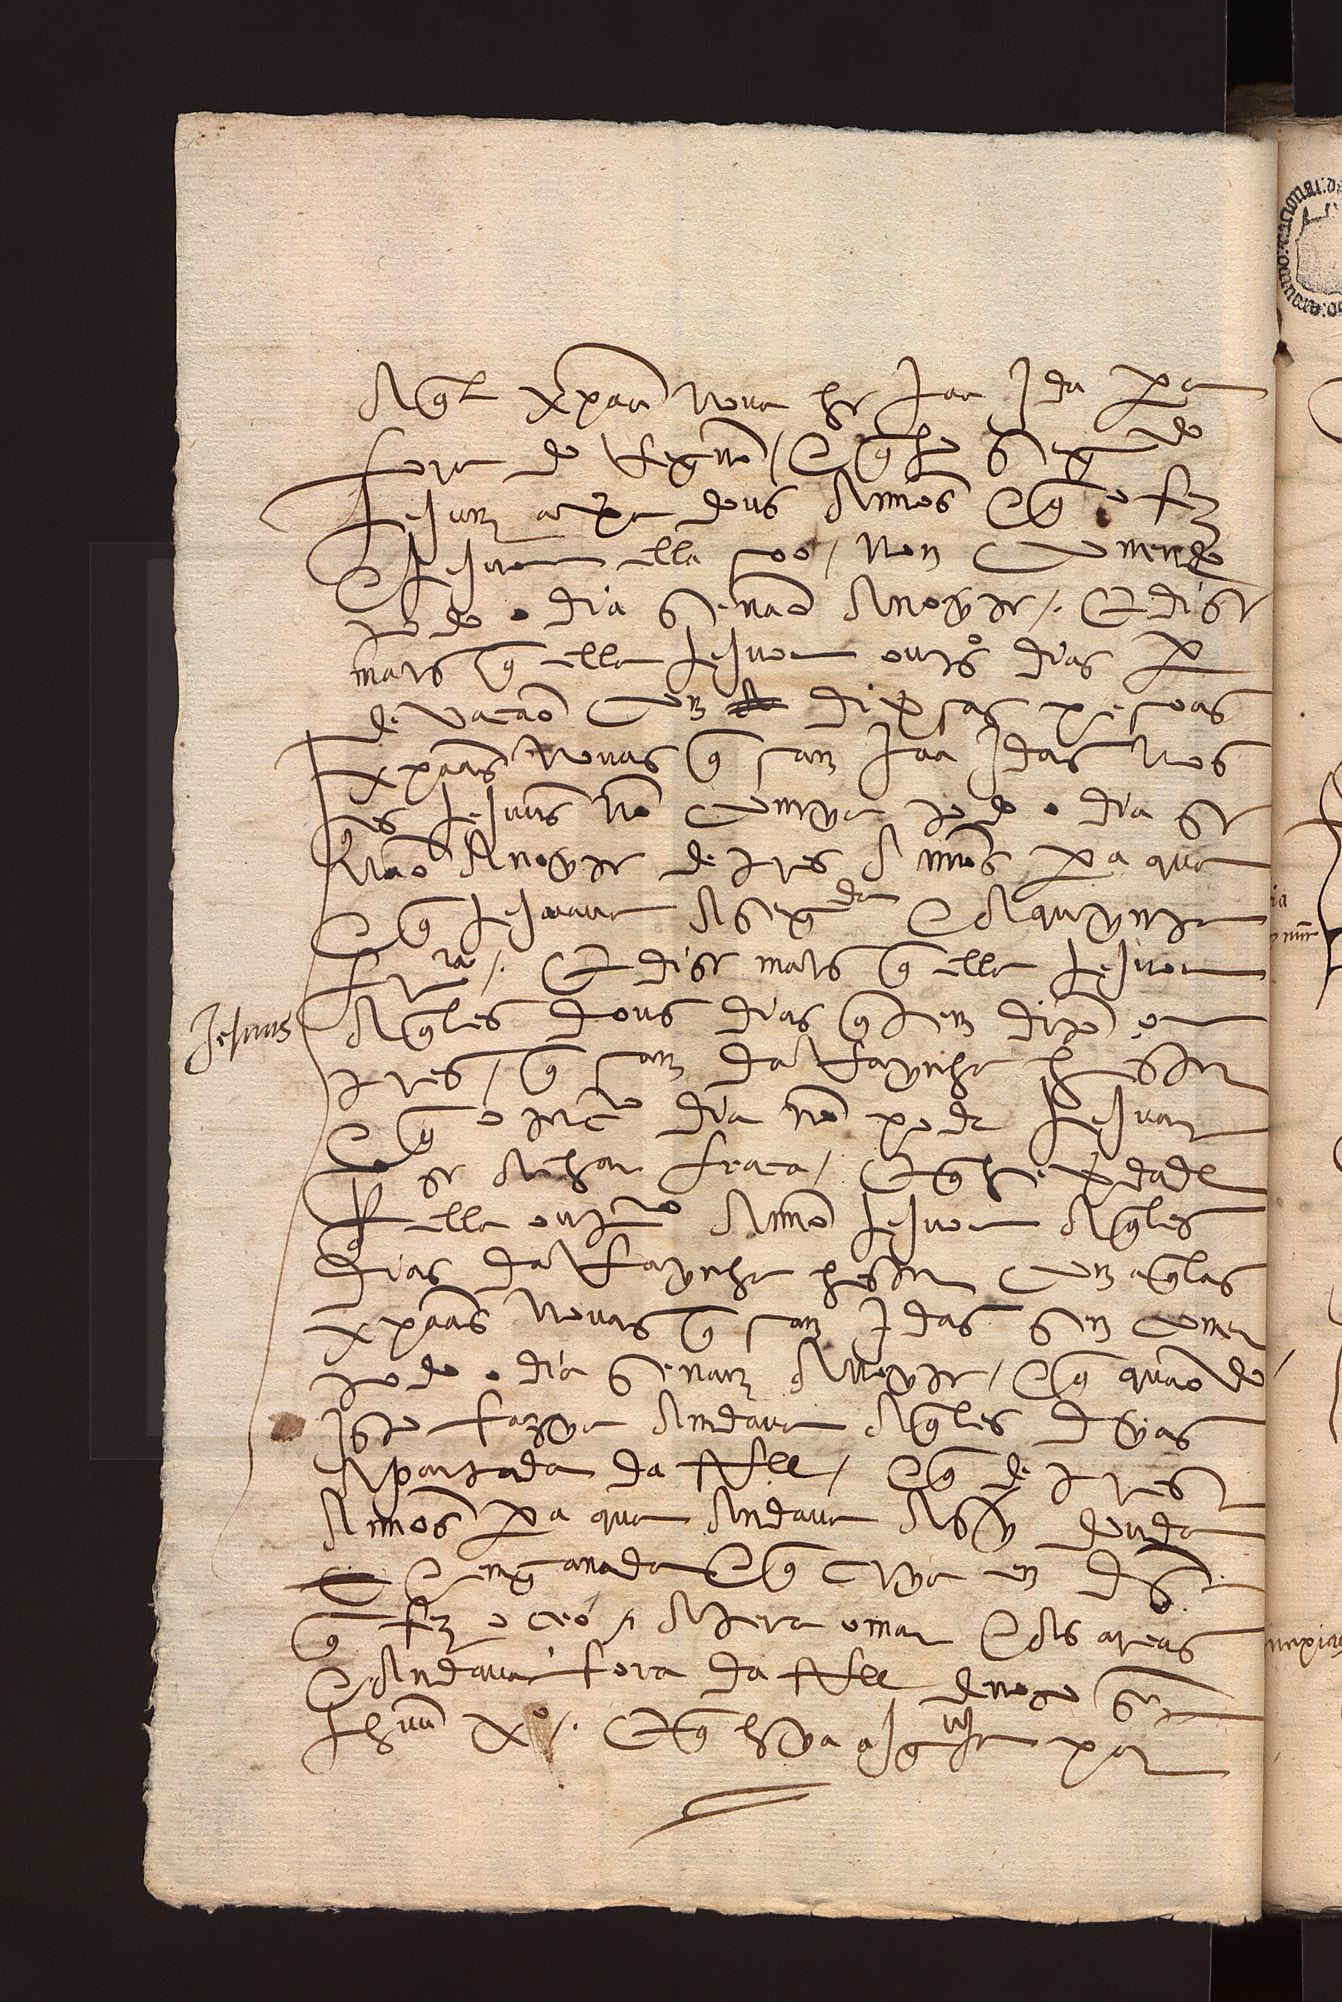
Jejuus
A q̄L xp̄aa noua he Jaa Jda ꝑa
fora do Regn̄o / E q̄ ho seḡdo
JeJum aꝟa dous Annōs e q̄ o fez
E Jejuou ella soo / Non comendo
todo o dia senão A noyte /. E dise
mais q̄ ella JeJuou outso dias ꝑ
devacão com _ diꝟsas pesoas
xpaās nouas q̄ sam Jaa Jdas nos
q̄ os JeJuūs nō comya todo o dia se
não A noyte de tres Ann̄os ꝑa qua
e q̄ JeJuaua A seḡda e A quynta
frra /. E dise majs q̄ ella JeJuou
Aq̄les dous dias q̄ tem dito ou
tres / q̄ sam da Raynha hester
E q̄ o tercro dia nō pode JeJuar
ꝑo se Achar fraca /. E q̄ he ꝟdade
q̄ ella outro Ann̄o JeJuou Aq̄les
dias da Raynha hester Com aq̄las
xpāas nouas q̄ sam Jdas sem comer
todo o dia senam A noyte / E q̄ quãodo
Jsto fazya Amdaua Aq̄les dyas
Apartada da ffee / e q̄ de tres
Ann̄os ꝑa qua Andaua Asy douda
E emganada e q̄ crya em ds̄
q̄ fez o çeo e A tera o mar e As areas
e Andaua fora da ffee de noso s̄or
Jhūu Xo /. E q̄ hya a JgrJa por
